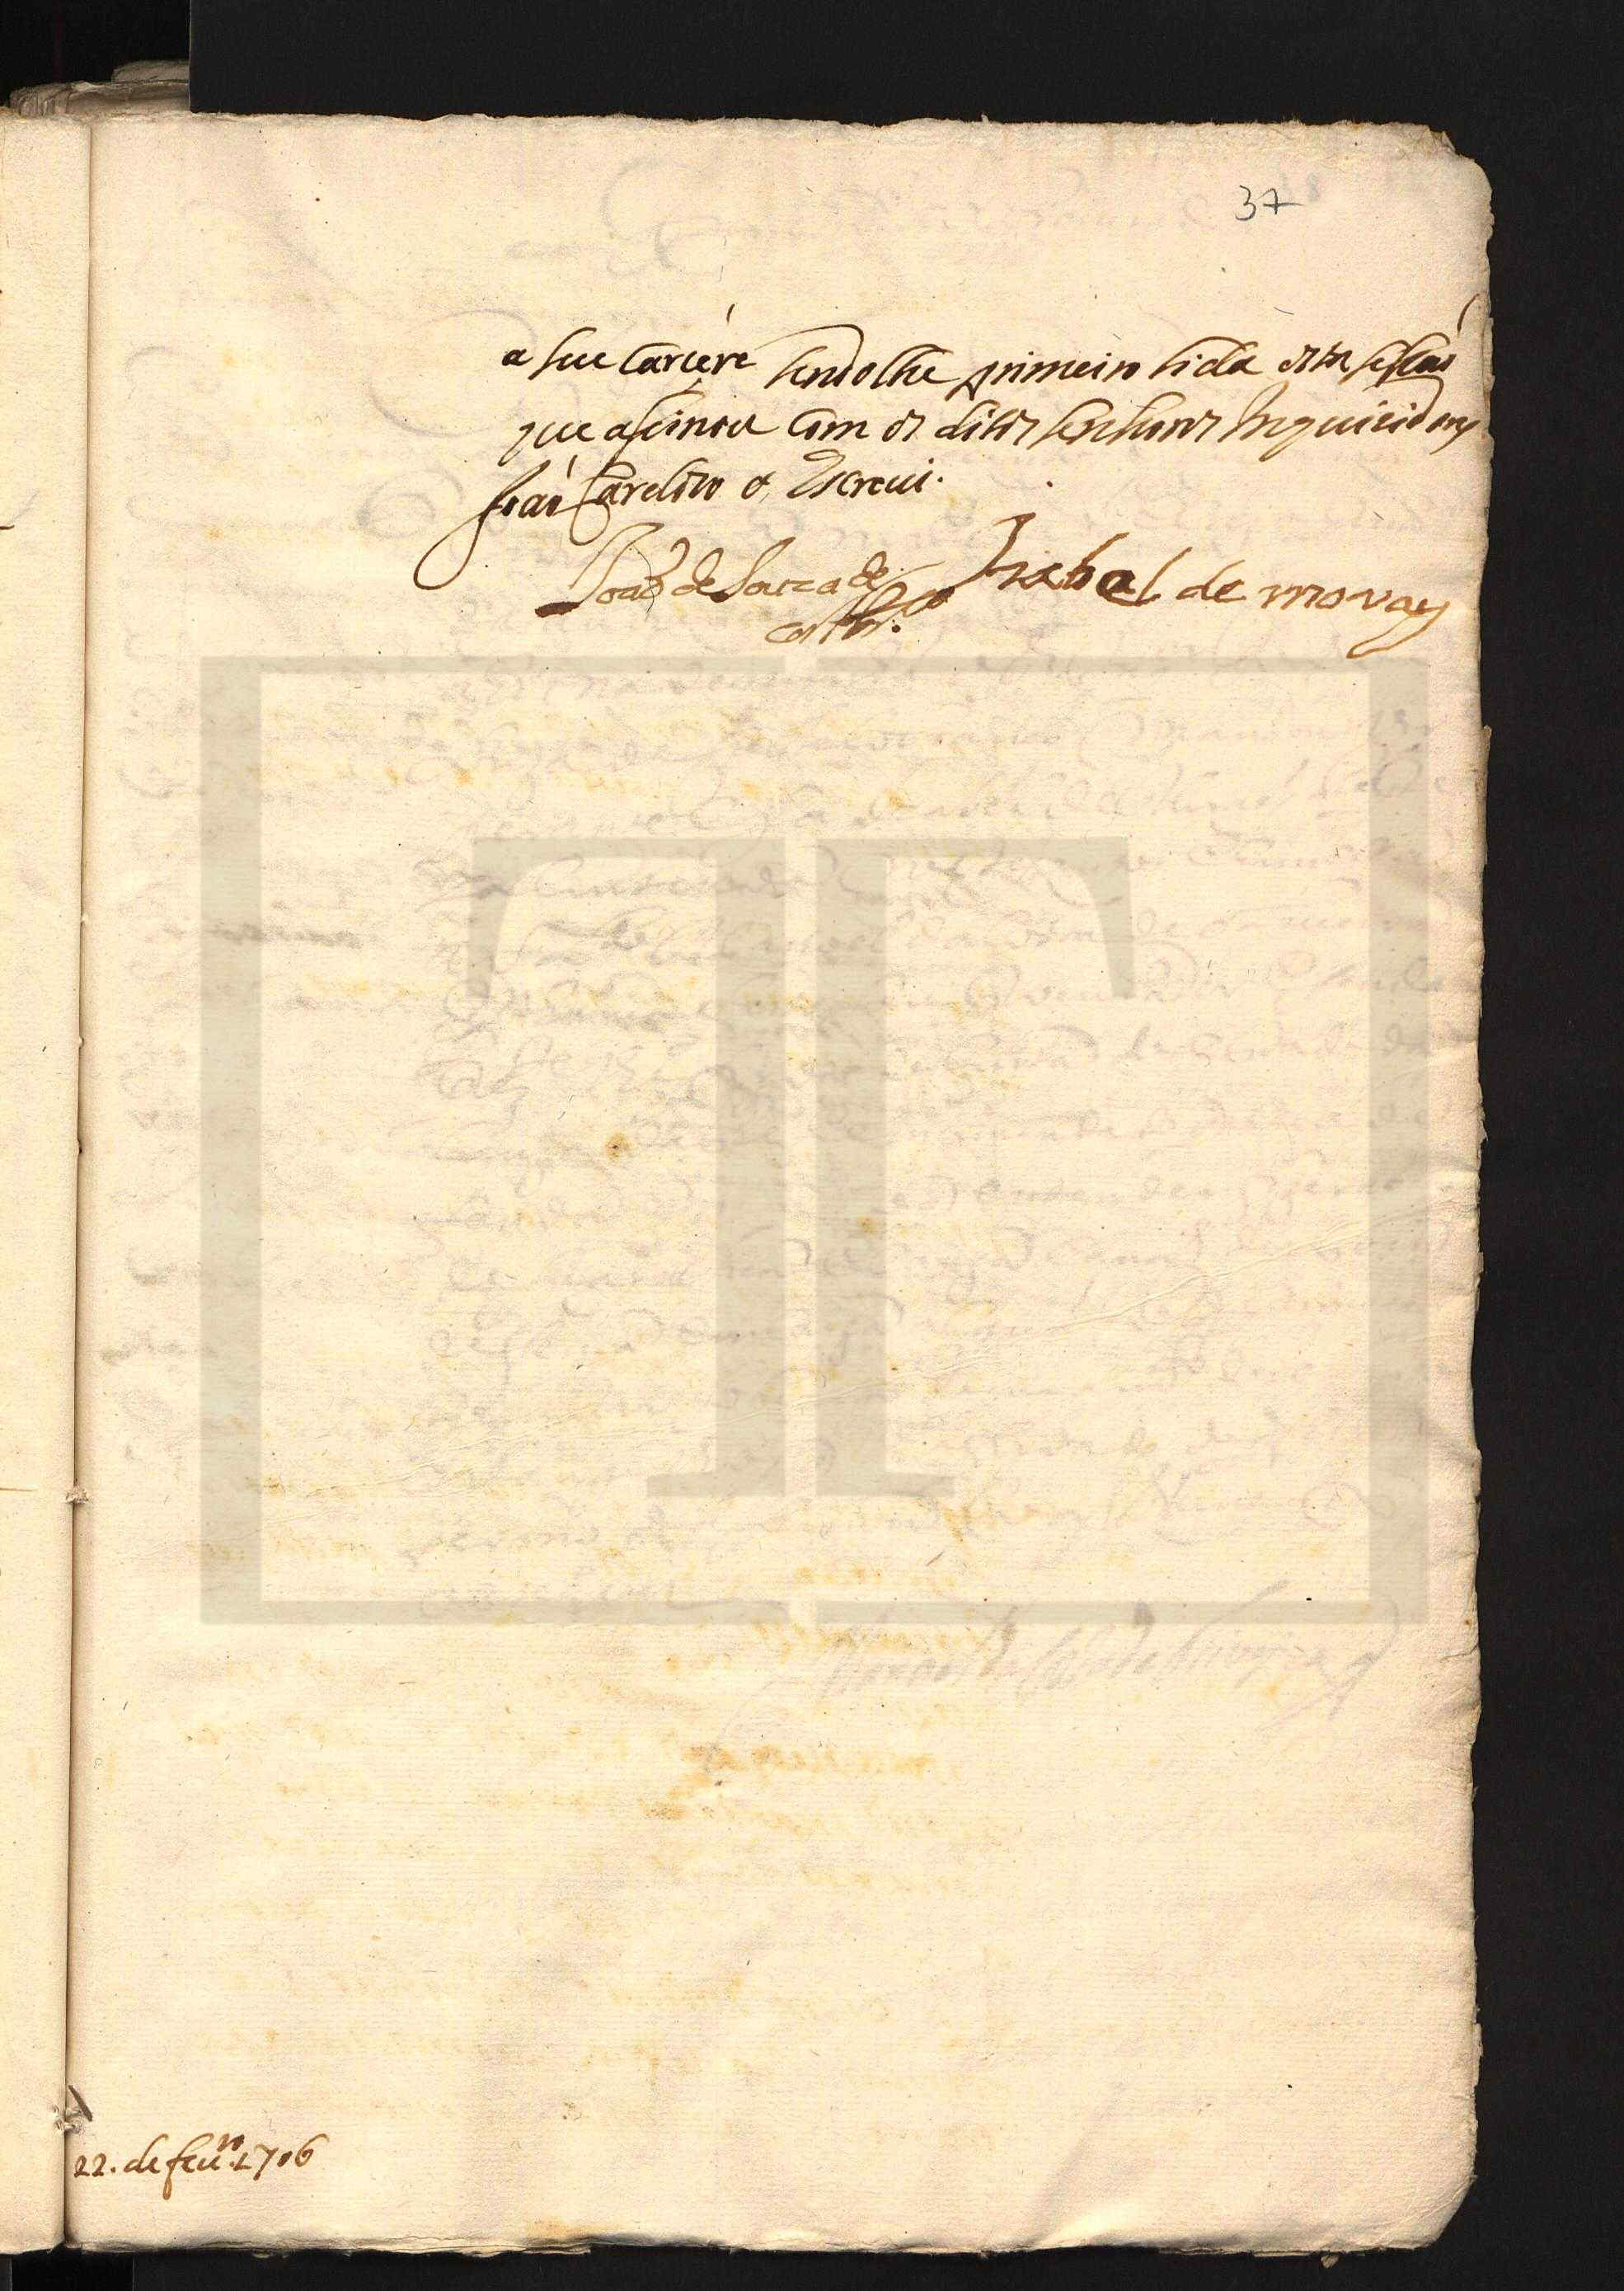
a seu carcere, sendolhe primeiro lida esta sessaõ
que assinou com os ditos senhores Inquizidores
Joaõ Cardozo o Escreui.
Ioão de Souza de
Castb.co
Izabel de moraes
22. de feu.ro 1706
